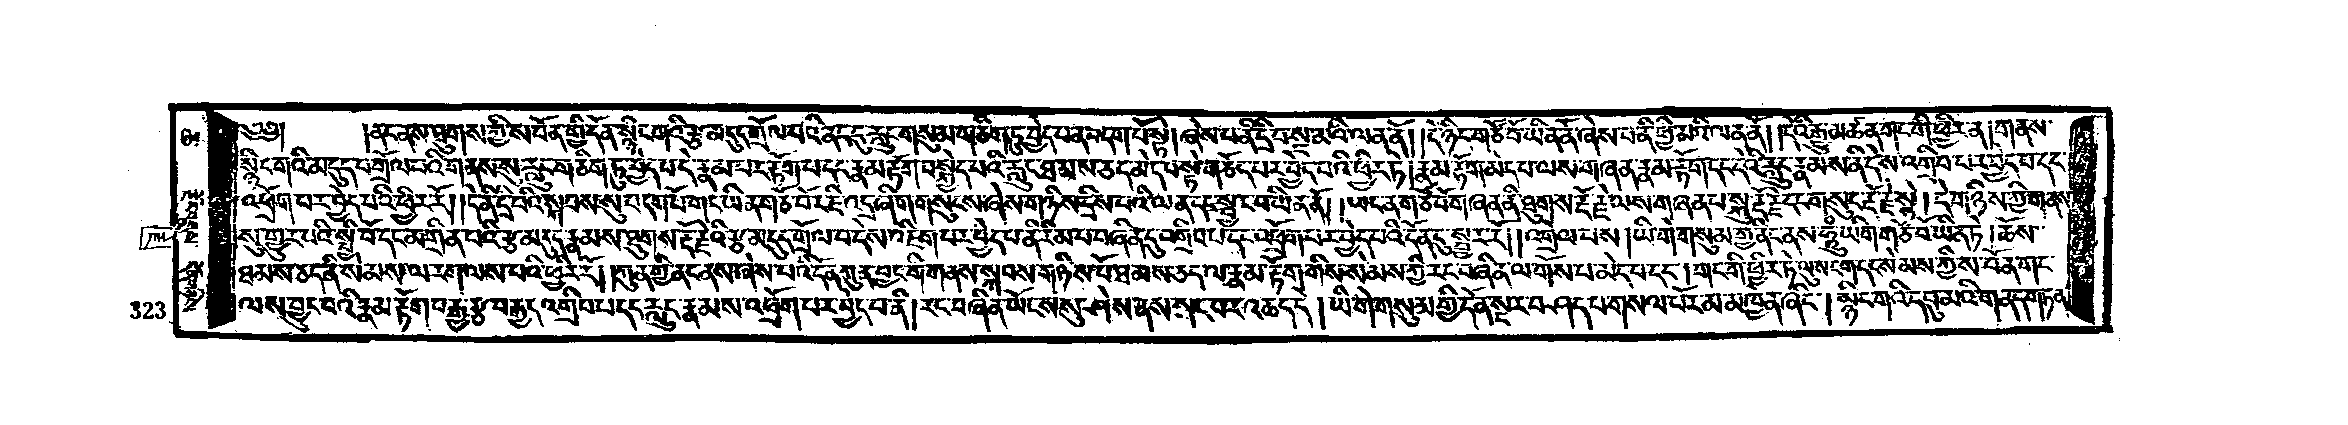༄༅། །ནང་ནས་ཐུགས་ཀྱི་ས་བོན་གྱི་དོན་སྙིང་གའི་རྩ་མདུད་གྲོལ་བའི་ནང་དུ་རླུང་གསུམ་གཅིག་ཏུ་བྱེད་པ་ན་བདག་པོ་སྟེ། ཞེས་པ་ནི་དྲི་བ་སྔ་མའི་ལན་ནོ། །དེ་ཉིད་གཙོ་བོ་ཡིན་ནོ་ཞེས་པ་ནི་ཕྱི་མའི་ལན་ནོ། །དེའི་རྒྱུ་མཚན་གང་གི་ཕྱིར་ན། གནས་
སྙིང་གའི་མདུད་པ་གྲོལ་བའི་གནས་སུ་རླུང་གཅིག་ཏུ་བྱེད་པ་དེ་རྣམ་པར་རྟོག་པ་དང་རྣམ་རྟོག་བསྐྱེད་པའི་རླུང་ཐམས་ཅད་མེད་པ་སྟེ་གཅོད་པར་བྱེད་པའི་ཕྱིར་ཏེ། རྣམ་རྟོག་མེད་པ་ལས་གཞན་རྣམ་རྟོག་དང་དེའི་རླུང་རྣམས་ནི་དེས་འགྲིབ་པར་བྱེད་པ་དང་
འཕྲོག་པར་བྱེད་པའི་ཕྱིར་རོ། །དེ་ནི་དྲི་བའི་སྐབས་སུ་བདག་པོ་གང་ཡིན་གཙོ་བོར་ཇི་འདྲ་ཞིག་གསུངས་ཞེས་གཉིས་དྲིས་པའི་ལན་དང་སྦྱར་བ་ཡིན་ནོ། །ཡང་ན་གཙོ་བོ་གཞན་ནི་ཐུགས་རྡོ་རྗེ་ལས་གཞན་པ་སྐུ་རྡོ་རྗེ་དང་གསུང་རྡོ་རྗེ་སྟེ། དེ་གཉིས་ཀྱི་གནས་
སུ་གྱུར་པའི་སྤྱི་བོ་དང་མགྲིན་པའི་རྩ་མདུད་རྣམས་ཐུགས་རྡོ་རྗེའི་རྩ་མདུད་གྲོལ་བ་དེས་འཇིག་པར་བྱེད་པ་ནི་རིམ་པ་བཞིན་དུ་འགྲིབ་པ་དང་འཕྲོག་པར་བྱེད་པའི་དོན་དུ་སྦྱར་རོ། །འགྲེལ་པས། ཡི་གེ་གསུམ་གྱི་ནང་ནས་ཧཱུཾ་ཡིག་གཙོ་བོ་ཡིན་ཏེ། ཆོས་
ཐམས་ཅད་ནི་སེམས་ལ་རག་ལས་པའི་ཕྱིར་རོ། །ཀུན་གྱི་ནང་ནས་ཞེས་པའི་དོན་ཀུན་བྱང་གི་གནས་སྐབས་གཉིས་པོ་ཐམས་ཅད་ལ་རྣམ་རྟོག་གིས་སེམས་ཀྱི་རང་བཞིན་ལ་གོས་པ་མེད་པ་དང་། གང་གི་ཕྱིར་ཏེ་ལུས་ངག་དང་སེམས་ཀྱི་ས་བོན་གང་
ལས་བྱུང་བའི་རྣམ་རྟོག་བརྒྱ་རྩ་བརྒྱད་འགྲིབ་པ་དང་རླུང་རྣམས་འཕྲོག་པར་བྱེད་པ་ནི། རང་བཞིན་ཡོངས་སུ་ཤེས་ནས་སྤང་བར་འཆད་དེ། ཡི་གེ་གསུམ་གྱི་དོན་སྔར་བཤད་པ་གསལ་པོར་མ་མཁྱེན་ཞིང་། སྙིང་གའི་དབུ་མའི་གནད་གཏན་